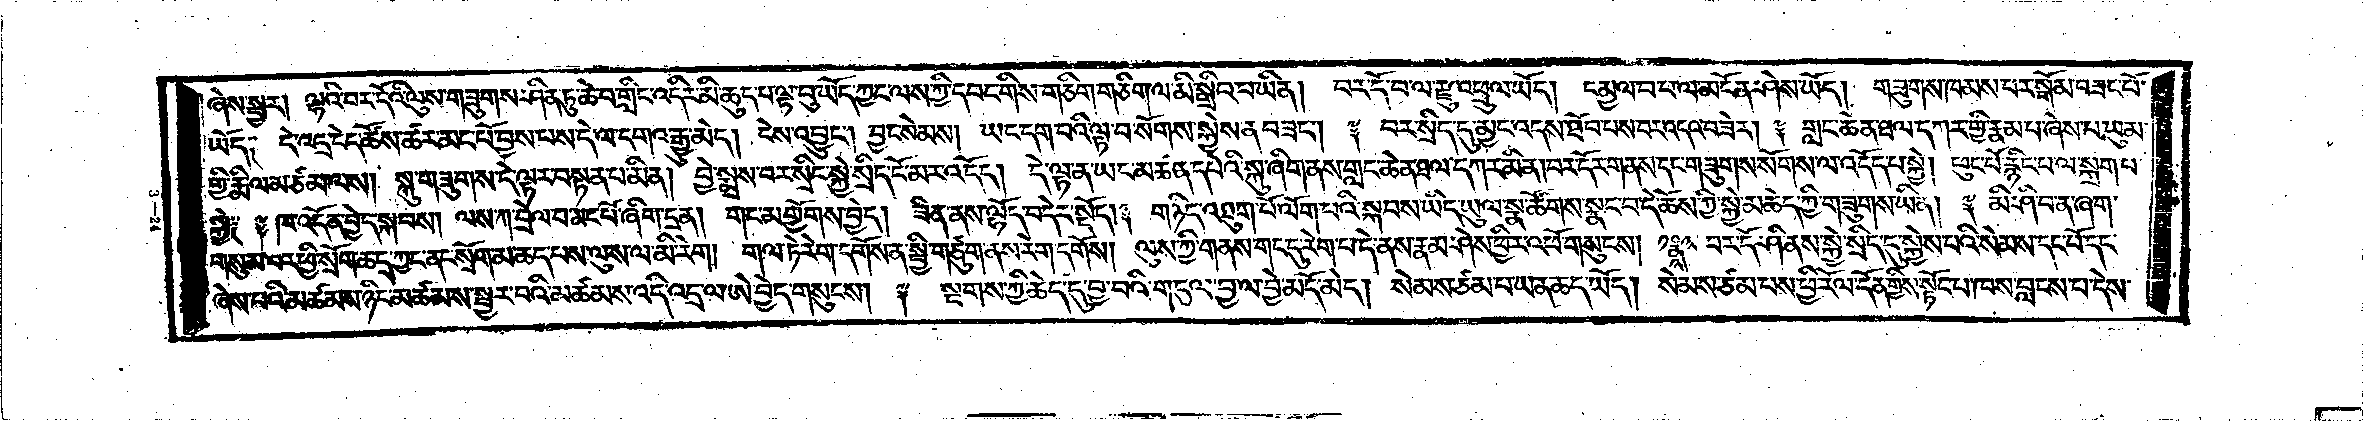ཞེས་སྦྱར། ལྷའི་བར་དོའི་ལུས་གཟུགས་ཤིན་ཏུ་ཆེ་བ་གླིང་འདིར་མི་ཆུད་པ་ལྟ་བུ་ཡོད་ཀྱང་ལས་ཀྱི་དབང་གིས་གཅིག་གཅིག་ལ་མི་སྒྲིབ་པ་ཡིན། བར་དོ་བ་ལ་རྫུ་འཕྲུལ་ཡོད། དམྱལ་བ་པ་ལ་མངོན་ཤེས་ཡོད། གཟུགས་ཁམས་པར་སྒོམ་བཟང་པོ་
ཡོད༑ དེ་འདྲ་ངེད་ཚོས་ཚར་མང་པོ་བྱས་པས་དེ་ལ་དགའ་རྒྱུ་མེད། ངེས་འབྱུང་། བྱང་སེམས། ཡང་དག་པའི་ལྟ་བ་སོགས་སྐྱེས་ན་བཟང་། ༈ བར་སྲིད་དུ་མྱང་འདས་ཐོབ་པས་བར་འདའ་བཟེར། ༈ གླང་ཆེན་ཐལ་དཀར་གྱི་རྣམ་པ་ཞེས་པ་ཡུམ་
གྱི་རྨི་ལམ་ཙམ་ལས། སྐུ་གཟུགས་དེ་ལྟར་བསྟན་པ་མིན། བྱེ་སྨྲས་བར་སྲིད་སྐྱེ་སྲིད་ངོ་མར་འདོད། དེ་ལྟ་ན་ཡང་མཚན་དཔེའི་སྐུ་ཞིག་ནས་གླང་ཆེན་ཐལ་དཀར་མིན་།བར་དོར་གནས་དང་གཟུགས་སོགས་ལ་འདོད་པ་སྐྱེ། ཕུང་པོ་རྙིང་པ་ལ་སྐྲག་པ་
སྐྱེ༑ ༈ཁ་འདོན་བྱེད་སྐབས། ལས་ཀ་བྲེལ་བ་མང་པོ་ཞིག་དྲན། གང་མགྱོགས་བྱེད། ཟིན་ནས་ལྷོད་བདེར་སྡོད། ༈ གཉིད་འཐུག་པོ་ལོག་པའི་སྐབས་ཡིད་ཡུལ་སྣ་ཚོགས་སྣང་བ་དེ་ཆོས་ཀྱི་སྐྱེ་མཆེད་ཀྱི་གཟུགས་ཡིན། ༈ མི་ཤི་བ་ན་ཞག་
གསུམ་བར་ཕྱིས་རོག་ཆད་ཀྱང་ནང་སྲོག་མ་ཆད་པས་ལུས་ལ་མི་རེག། གལ་ཏེ་རེག་དགོས་ན་སྤྱི་གཙུག་ནས་རེག་དགོས། ལུས་ཀྱི་གནས་གང་དུ་རེག་པ་དེ་ནས་རྣམ་ཤེས་ཕྱིར་འཕོ་གསུངས། ༡༠༣ན༢་བར་དོ་ཤི་ནས་སྐྱེ་སྲིད་དུ་སྐྱེས་པའི་སེམས་དང་པོ་དང་
ཞེས་པའི་མཚམས་ཉིད་མཚམས་སྦྱར་བའི་མཚམས་འདི་འདྲ་ལ་ཨེ་བྱེད་གསུངས། ༈ སྔགས་ཀྱི་ཆེད་དུ་བྱ་བའི་གདུལ་བྱ་ལ་བྱེ་མདོ་མེད། སེམས་ཙམ་པ་ཡན་ཆད་ཡོད། སེམས་ཙམ་པས་ཕྱི་རོལ་དོན་གྱིས་སྟོང་པ་ཁས་བླངས་པ་དེས་